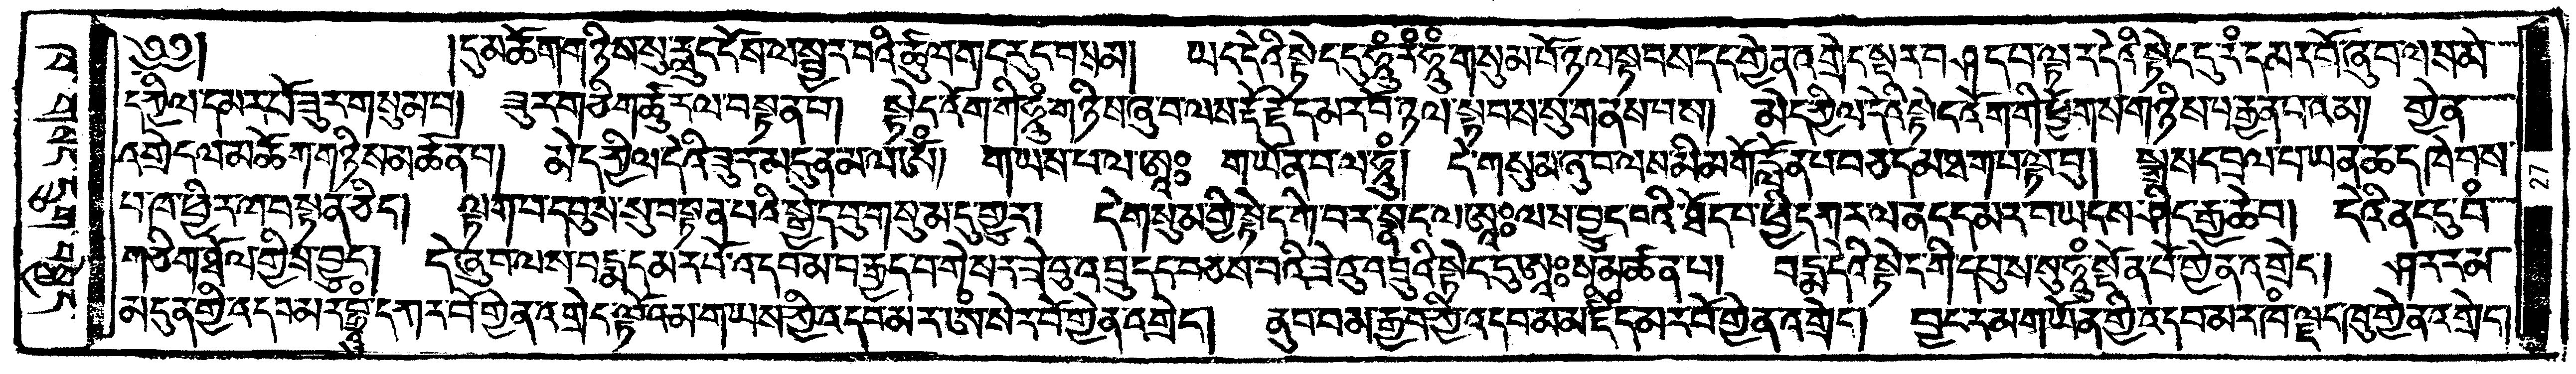༄༅། །དུ་མཆོག་གཉིས་སུ་རླུང་ངོས་ལ་སྦྱར་བའི་ཚུལ་གང་རུང་བསམ། ཡང་དེའི་སྟེང་དུ་ཧཱུཾ་རཾ་ཧཱུཾ་གསུམ་པོ་ཉལ་སྟབས་དང་གྱེན་འགྲེང་སྔར་བཤད་པ་ལྟར་དེའི་སྟེང་དུ་རཾ་དམར་བོ་ཞུ་བ་ལས་མེ་
དཀྱིལ་དམར་པོ་ཟུར་གསུམ་པ། ཟུར་གཅིག་ཚུར་ལ་བསྟན་པ། སྟེང་འོག་གི་ཧཱུཾ་གཉིས་ཞུ་བ་ལས་རྡོ་རྗེ་དམར་བོ་ཉལ་སྟབས་སུ་གནས་བས། མེ་དཀྱིལ་དེའི་སྟེང་འོག་གི་ཕྱོགས་གཉིས་བརྒྱན་པའམ། གྱེན་
འགྲེང་ལ་མཆོག་གཉིས་མཚན་པ། མེ་དཀྱིལ་དེའི་ཟུར་མདུན་མ་ལ་ཨོཾ། གཡས་པ་ལ་ཨཱཿ གཡོན་པ་ལ་ཧཱུཾ། དེ་གསུམ་ཞུ་བ་ལས་མི་མགོ་རློན་པ་བཅད་མཐག་པ་ལྟ་བུ། སྐྲས་དབྲལ་པ་ཡན་ཆད་ཁེབས་
པ་ཁ་ཕྱིར་ལ་བསྟན་ཅིང་། ལྟག་པ་དབུས་སུ་བསྟན་པའི་སྒྱེད་བུ་གསུམ་དུ་གྱུར། དེ་གསུམ་གྱི་སྟེང་གི་བར་སྣང་ལ་ཨཱཿ ལས་བྱུང་བའི་ཐོད་པ་ཕྱི་དཀར་ལ་ནང་དམར་བ་ཡངས་ཤིང་རྒྱ་ཆེ་བ། དེའི་ནང་དུ་བཾ་
གཅིག་ཐོལ་གྱིས་བྱུང་། དེ་ཞུ་བ་ལས་པདམ་དམར་པོ་འདབ་མ་བརྒྱད་བ་གེ་སར་ཟེའུ་འབྲུ་དང་བཅས་བའི་ཟེའུ་འབྲུའི་སྟེང་དུ་ཨཱཿས་མཚན་པ། པདམ་དེའི་སྟེང་གི་དབུས་སུ་ཧཱུཾ་སྔོན་པོ་གྱེན་འགྲེང་། ཤར་རམ་
མདུན་གྱི་འདབ་མར་བྷྲཱུཾ་དཀར་པོ་གྱེན་འགྲེང་ལྟོ་འམ་གཡས་ཀྱི་འདབ་མར་ཨཾ་སེར་བོ་གྱེན་འགྲེང་། ནུབ་བམ་རྒྱབ་ཀྱི་འདབ་མ་མཛིཾ་དམར་བོ་གྱེན་འགྲེང་། བྱང་རམ་གཡོན་གྱི་འདབ་མར་ཁཾ་ལྗང་ཁུ་གྱེན་འགྲེང་།